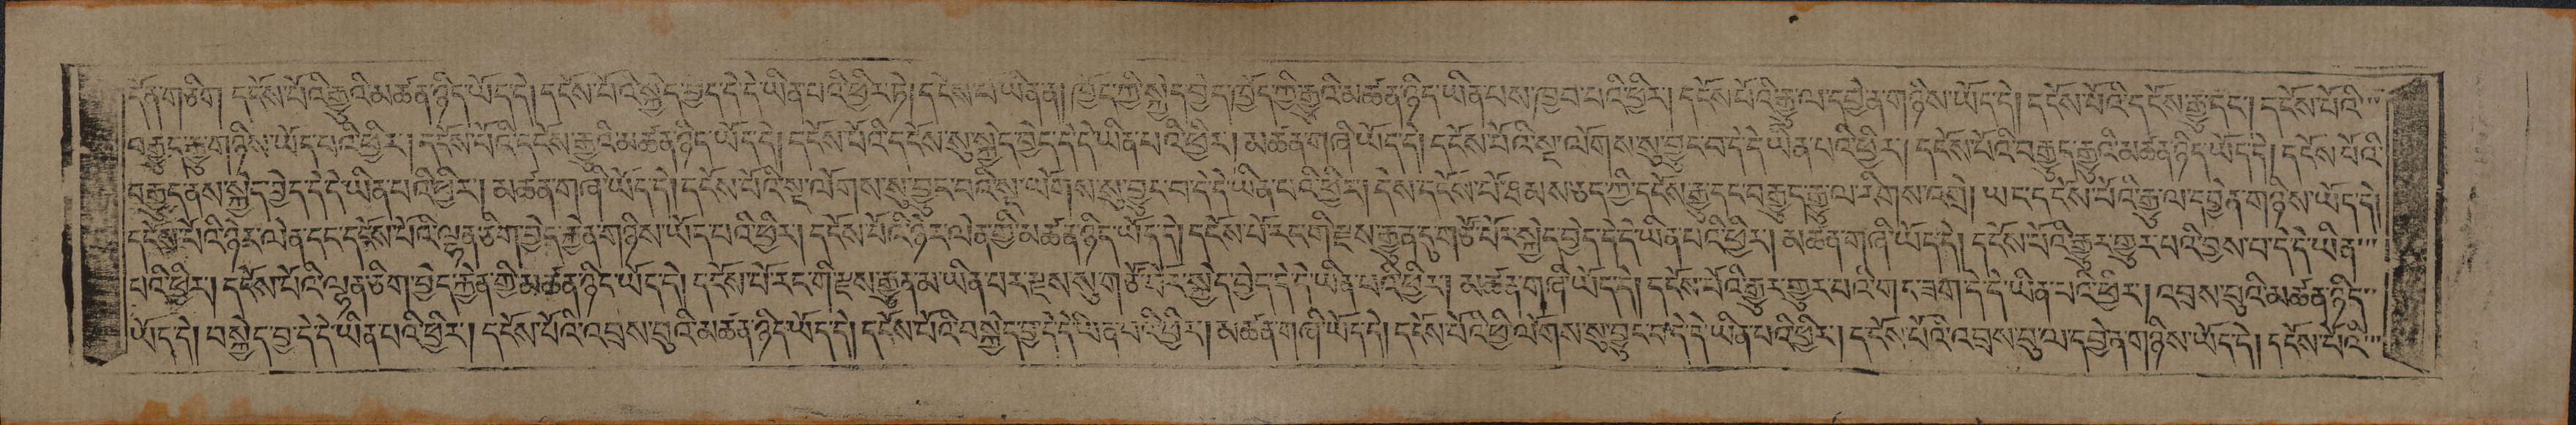དོན་གཅིག །དངོས་པོའི་རྒྱུའི་མཚན་ཉིད་ཡོད་དེ། དངོས་པོའི་སྐྱེད་བྱེད་དེ་དེ་ཡིན་པའི་ཕྱིར་ཏེ། དངོས་པོ་ཡིན་ན། ཁྱོད་ཀྱི་སྐྱེད་བྱེད་ཁྱོད་ཀྱི་རྒྱུའི་མཚན་ཉིད་ཡིན་པས་ཁྱབ་པའི་ཕྱིར། དངོས་པོའི་རྒྱུ་ལ་དབྱེ་ན་གཉིས་ཡོད་དེ། དངོས་པོའི་དངོས་རྒྱུ་དང་། དངོས་པོའི་
བརྒྱུད་རྒྱུ་གཉིས་ཡོད་པའི་ཕྱིར། དངོས་པོའི་དངོས་རྒྱུའི་མཚན་ཉིད་ཡོད་དེ། དངོས་པོའི་དངོས་སུ་སྐྱེད་བྱེད་དེ་དེ་ཡིན་པའི་ཕྱིར། མཚན་གཞི་ཡོད་དེ། དངོས་པོའི་སྔ་ལོགས་སུ་བྱུང་བ་དེ་དེ་ཡིན་པའི་ཕྱིར། དངོས་པོའི་བརྒྱུད་རྒྱུའི་མཚན་ཉིད་ཡོད་དེ། དངོས་པོའི་
བརྒྱུད་ནས་སྐྱེད་བྱེད་དེ་དེ་ཡིན་པའི་ཕྱིར། མཚན་གཞི་ཡོད་དེ། དངོས་པོའི་སྔ་ལོགས་སུ་བྱུང་བའི་སྔ་ལོགས་སུ་བྱུང་བ་དེ་དེ་ཡིན་པའི་ཕྱིར། དེས་དངོས་པོ་ཐམས་ཅད་ཀྱི་དངོས་རྒྱུ་དང་བརྒྱུད་རྒྱུ་ལ་རིགས་འགྲེ། ཡང་དངོས་པོའི་རྒྱུ་ལ་དབྱེ་ན། གཉིས་ཡོད་དེ།
དངོས་པོའི་ཉེར་ལེན་དང་དངོས་པོའི་ལྷན་ཅིག་བྱེད་རྐྱེན་གཉིས་ཡོད་པའི་ཕྱིར། དངོས་པོའི་ཉེར་ལེན་གྱི་མཚན་ཉིད་ཡོད་དེ། དངོས་པོ་རང་གི་རྫས་རྒྱུན་དུ་གཙོ་བོར་སྐྱེད་བྱེད་དེ་དེ་ཡིན་པའི་ཕྱིར། མཚན་གཞི་ཡོད་དེ། དངོས་པོའི་རྒྱུར་གྱུར་པའི་བྱས་པ་དེ་དེ་ཡིན་
པའི་ཕྱིར། དངོས་པོའི་ལྷན་ཅིག་བྱེད་རྐྱེན་གྱི་མཚན་ཉིད་ཡོད་དེ། དངོས་པོ་རང་གི་རྫས་རྒྱུན་མ་ཡིན་པར་རྫས་སུ་གཙོ་བོར་སྐྱེད་བྱེད་དེ་དེ་ཡིན་པའི་ཕྱིར། མཚན་གཞི་ཡོད་དེ། དངོས་པོའི་རྒྱུར་གྱུར་པའི་གང་ཟག་དེ་དེ་ཡིན་པའི་ཕྱིར། འབྲས་བུའི་མཚན་ཉིད་
ཡོད་དེ། བསྐྱེད་བྱ་དེ་དེ་ཡིན་པའི་ཕྱིར། དངོས་པོའི་འབྲས་བུའི་མཚན་ཉིད་ཡོད་དེ། དངོས་པོའི་བསྐྱེད་བྱ་དེ་དེ་ཡིན་པའི་ཕྱིར། མཚན་གཞི་ཡོད་དེ། དངོས་པོའི་ཕྱི་ལོགས་སུ་བྱུང་བ་དེ་དེ་ཡིན་པའི་ཕྱིར། དངོས་པོའི་འབྲས་བུ་ལ་དབྱེ་ན་གཉིས་ཡོད་དེ། དངོས་པོའི་